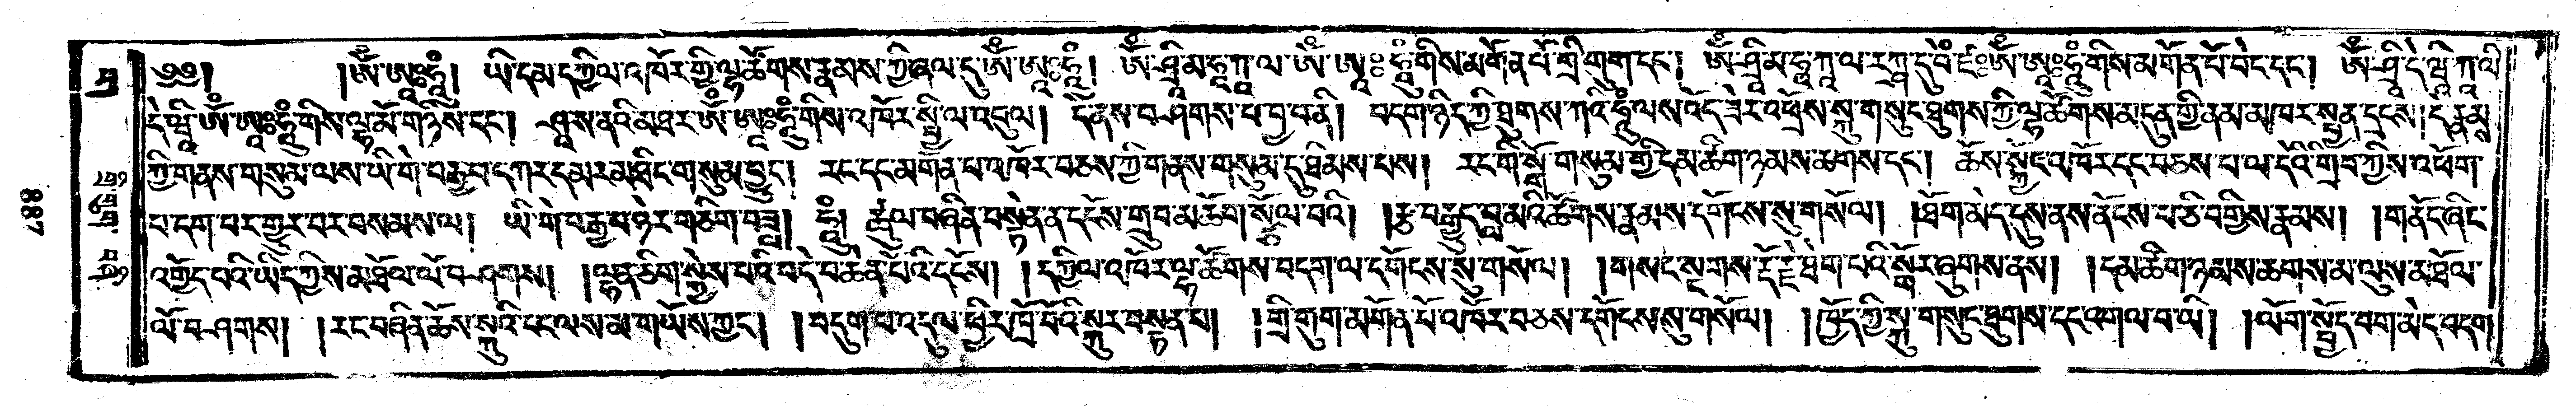༄༅། །ཨོཾ་ཨཱཿ ཧཱུཾ། ཡི་དམ་དཀྱིལ་འཁོར་གྱི་ལྷ་ཚོགས་རྣམས་ཀྱི་ཞལ་དུ་ཨོཾ་ཨཱཿ ཧཱུཾ། ཨོཾ་ཤྲཱི་ཧཱ་ཀཱ་ལ་ཨོཨཾ་ཨཱཿ ཧཱུཾ་གིས་མགོན་པོ་གྲི་གུག་དང་། ཨོཾ་ཤྲཱི་མ་ཧཱ་ཀཱ་ལ་རཀྴ་དུ་བེཾ་ཛཿ ཨོཾ་ཨཱཿཧཱུཾ་གིས་མགོན་པོ་བེང་དང་། ཨོཾ་ཤྲཱི་དེ་ཝཱི་ཀཱ་ལི་
དེ་ཝཱི་ཨོཾ་ཨཱཿ ཧཱུཾ་གིས་ལྷ་མོ་གཉིས་དང་། ཤཱ་ས་ནཱི་མཐར་ཨོཾ་ཨཱཿ ཧཱུཾ་གིས་འཁོར་སྤྱི་ལ་འབུལ། དེ་ནས་བཤགས་པ་བྱ་བ་ནི། བདག་ཉིད་ཀྱི་ཐུགས་ཀའི་ཧཱུཾ་ལས་འོད་ཟེར་འཕྲོས་སྐུ་གསུང་ཐུགས་ཀྱི་ལྷ་ཚོགས་མདུང་ཡི་ནམ་མཁར་སྤྱན་དྲངས། དེ་རྣམས་
ཀྱི་གནས་གསུམ་ལས་ཡི་གེ་བརྒྱ་པ་དཀར་དམར་མཐིང་གསུམ་བྱུང་། རང་དང་མགོན་པ་འཁོར་བཅས་ཀྱི་གནས་གསུམ་དུ་ཐིམས་པས། རང་གི་སྒོ་གསུམ་གྱི་དམ་ཚིག་ཉམས་ཆགས་དང་། ཆོས་སྐྱོང་འཁོར་དང་བཅས་པ་ལ་དེའི་གྲིབ་ཀྱིས་འཕོག་
པ་དག་པར་གྱུར་བར་བསམས་ལ། ཡི་གེ་བརྒྱ་པ་ཉེར་གཅིག་བཟླ། ཧཱུཾ། ཚུལ་བཞིན་བསྟེན་ན་དངོས་གྲུབ་མཆོག་སྩོལ་བའི། །རྩ་བརྒྱུད་བླ་མའི་ཚོགས་རྣམས་དགོངས་སུ་གསོལ། །ཐོག་མེད་དུས་ནས་ནོངས་པ་ཅི་བགྱིས་རྣམས། །གནོད་ཞིང་
འགྱོད་པའི་ཡིད་ཀྱིས་མཐོལ་ལོ་བཤགས། །ལྷན་ཅིག་སྐྱེས་པའི་བདེ་བ་ཆེན་པོའི་དངོས། །དཀྱིལ་འཁོར་ལྷ་ཚོགས་བདག་ལ་དགོངས་སུ་གསོལ། །གསང་སྔགས་རྡོ་རྗེ་ཐེག་པའི་སྒོར་ཞུགས་ནས། །དམ་ཚིག་ཉམས་ཆགས་མ་ལུས་མཐོལ་
ལོ་བཤགས། །རང་བཞིན་ཆོས་སྐུའི་ངང་ལས་མ་གཡོས་ཀྱང་། །བདུག་པ་འདུལ་ཕྱིར་ཁྲོ་བོའི་སྐུར་བསྟན་པ། །གྲི་གུག་མགོན་པོ་འཁོར་བཅས་དགོངས་སུ་གསོལ། །ཁྱོད་ཀྱི་སྐུ་གསུང་ཐུགས་དང་འགལ་བ་ཡི། །ལོག་སྤྱོད་བག་མེད་བདག་